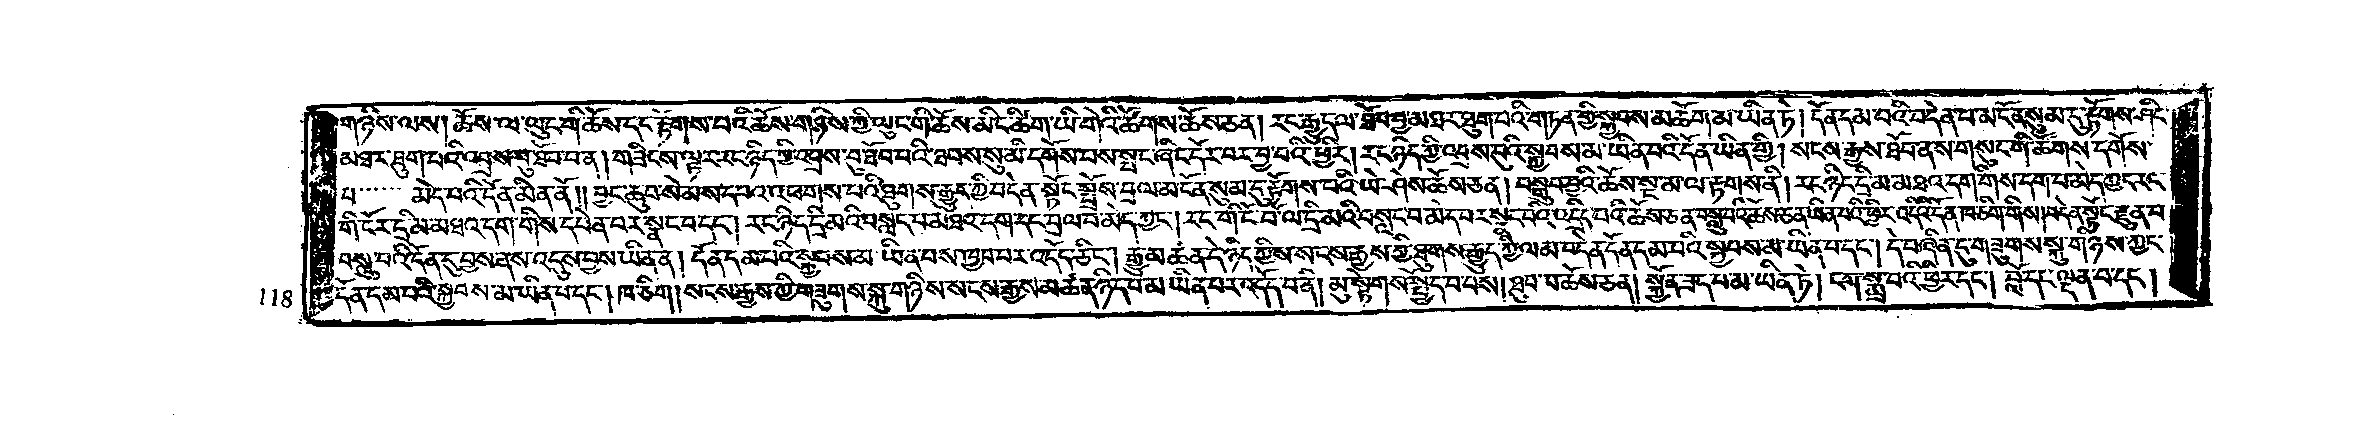གཉིས་ལས། ཆོས་ལ་ལུང་གི་ཆོས་དང་རྟོགས་པའི་ཆོས་གཉིས་ཀྱི་ལུང་གི་ཆོས་མིང་ཚིག་ཡི་གེའི་ཚོགས་ཆོས་ཅན། རང་རྒྱུད་ལ་ཐོབ་བྱ་མཐར་ཐུག་པའི་གཏན་གྱི་སྐྱབས་མཆོག་མ་ཡིན་ཏེ། དོན་དམ་པའི་བདེན་པ་མངོན་སུམ་དུ་རྟོགས་ཤིང་
མཐར་ཐུག་པའི་འབྲས་བུ་ཐོབ་པ་ན། གཟིངས་ལྟར་རང་ཉིད་ཀྱི་འབྲས་བུ་ཐོབ་པའི་ཐབས་སུ་མི་དགོས་པས་སྤང་ཞིང་དོར་བར་བྱ་བའི་ཕྱིར། རང་ཉིད་ཀྱི་འབྲས་བུའི་སྐྱབས་མ་ཡིན་པའི་དོན་ཡིན་གྱི་།སངས་རྒྱས་ཐོབ་ནས་གསུང་གི་ཚོགས་དགོས་
པ་མེད་པའི་དོན་མིན་ནོ། །བྱང་ཆུབ་སེམས་དཔའ་འཕགས་པའི་ཐུགས་རྒྱུད་ཀྱི་བདེན་སྟོང་སྤྲོས་བྲལ་མངོན་སུམ་དུ་རྟོགས་པའི་ཡེ་ཤེས་ཆོས་ཅན། བསྒྲུབ་བྱའི་ཆོས་སྔ་མ་ལ་རྟགས་ནི། རང་ཉིད་དྲི་མ་མཐའ་དག་གིས་དག་པ་མེད་ཀྱང་རང་
གི་ངོར་དྲི་མ་མཐའ་དག་གིས་དཔེན་བར་སྣང་བ་དང་། རང་ཉིད་དྲི་མའི་བསླད་པ་མཐའ་དག་དང་བྲལ་བ་མེད་ཀྱང་། རང་གི་ངོ་བོ་ལ་དྲི་མའི་བསླད་པ་མེད་པར་སྣང་བའི་འདྲིད་པའི་ཆོས་ཅན་བསླུ་བའི་ཆོས་ཅན་ཡིན་པའི་ཕྱིར་འདིའི་དོན་ཁ་ཅིག་གིས། བདེན་སྟོང་རྫུན་པ་
བསླུ་བའི་དོན་དུ་བྱས་ནས་འདུས་བྱས་ཡིན་ན། དོན་དམ་པའི་སྐྱབས་མ་ཡིན་པས་ཁྱབ་པར་འདོད་ཅིང་། རྒྱུ་མཚན་དེ་ཉིད་ཀྱིས་སངས་རྒྱས་ཀྱི་ཐུགས་རྒྱུད་ཀྱི་ལམ་བདེན་དོན་དམ་པའི་སྐྱབས་མ་ཡིན་པ་དང་། དེ་བཞིན་དུ་གཟུགས་སྐུ་གཉིས་ཀྱང་
དོན་དམ་པའི་སྐྱབས་མ་ཡིན་པ་དང་། ཁ་ཅིག །སངས་རྒྱས་ཀྱི་གཟུགས་སྐུ་གཉིས་སངས་རྒྱས་མཚན་ཉིད་པ་མ་ཡིན་པར་འདོད་པ་ནི། མུ་སྟེགས་སྤྱོད་པ་པས། ཐུབ་པ་ཆོས་ཅན། སྐྱོན་ཟད་པ་མ་ཡིན་ཏེ། ངག་སྨྲ་བའི་ཕྱིར་དང་། བློ་དང་ལྡན་པ་དང་།